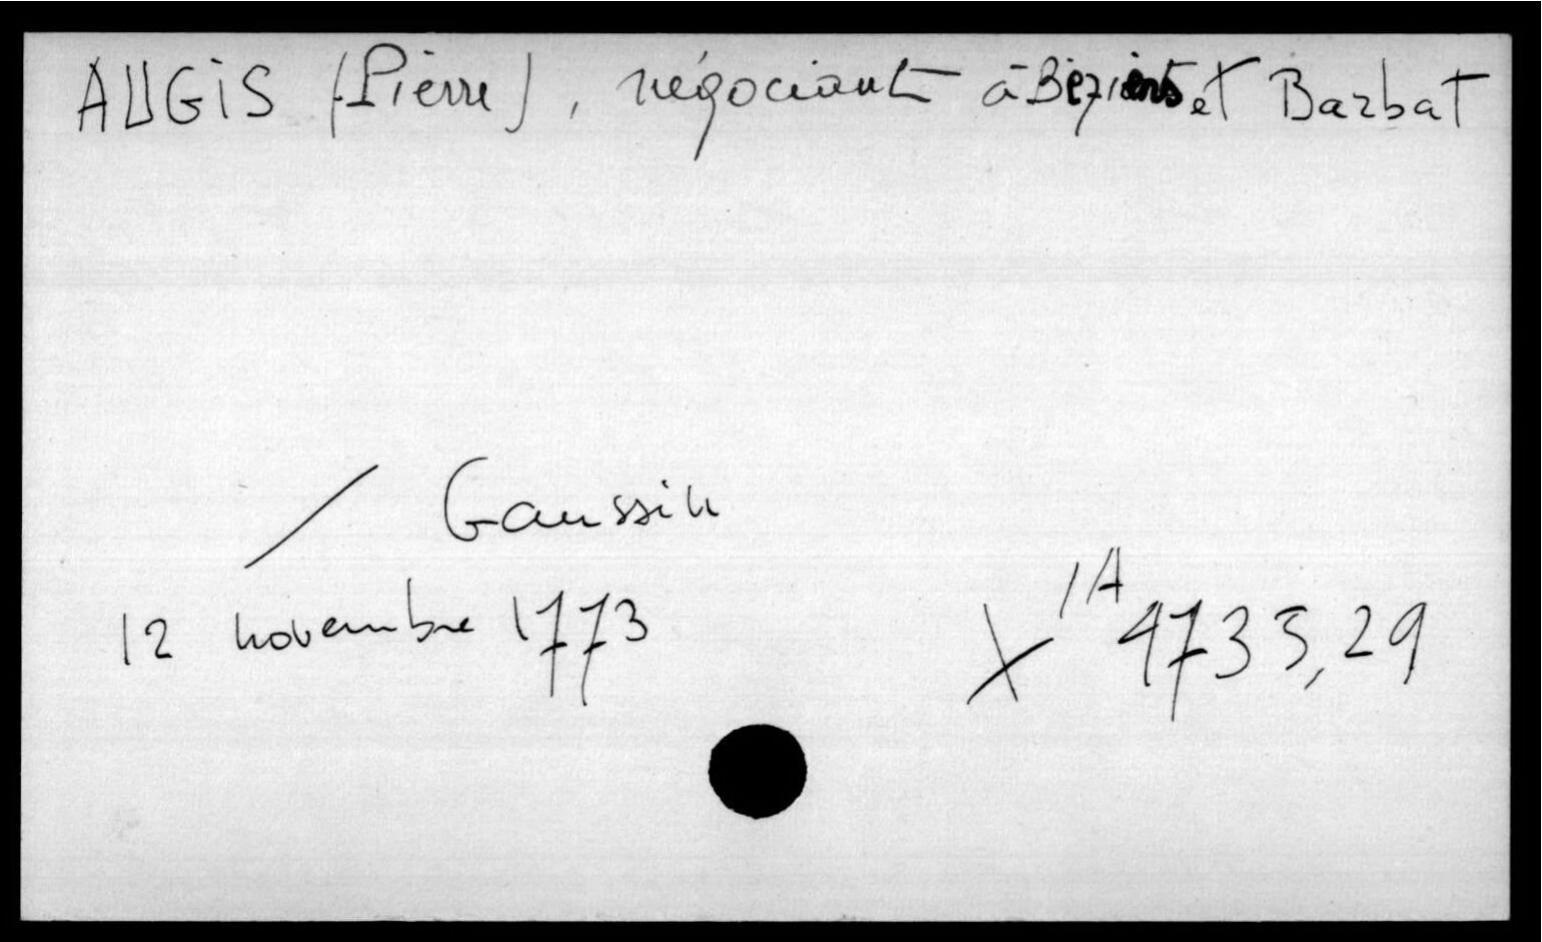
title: AUGIS (Pierre), négociant à Béziers et Barbat
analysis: Contre Gaussin
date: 12 novembre 1773
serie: X1A
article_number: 4735
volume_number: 29
